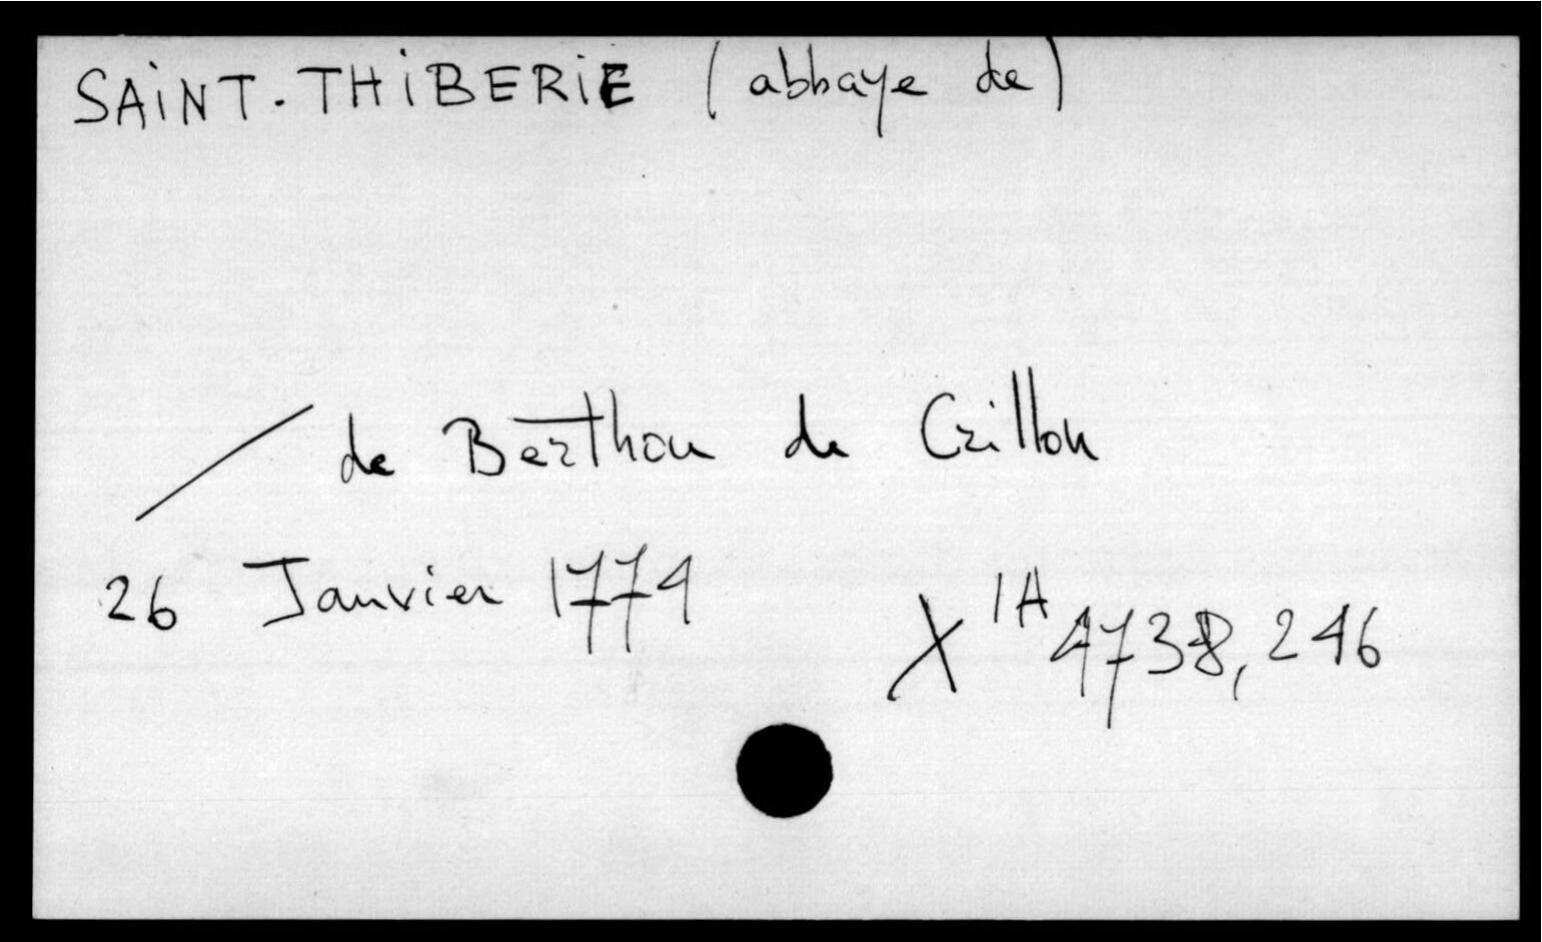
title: SAINT-THIBERIE (abbaye de)
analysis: Contre de Berthon de Crillon
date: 26 janvier 1774
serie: X1A
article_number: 4738
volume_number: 246
